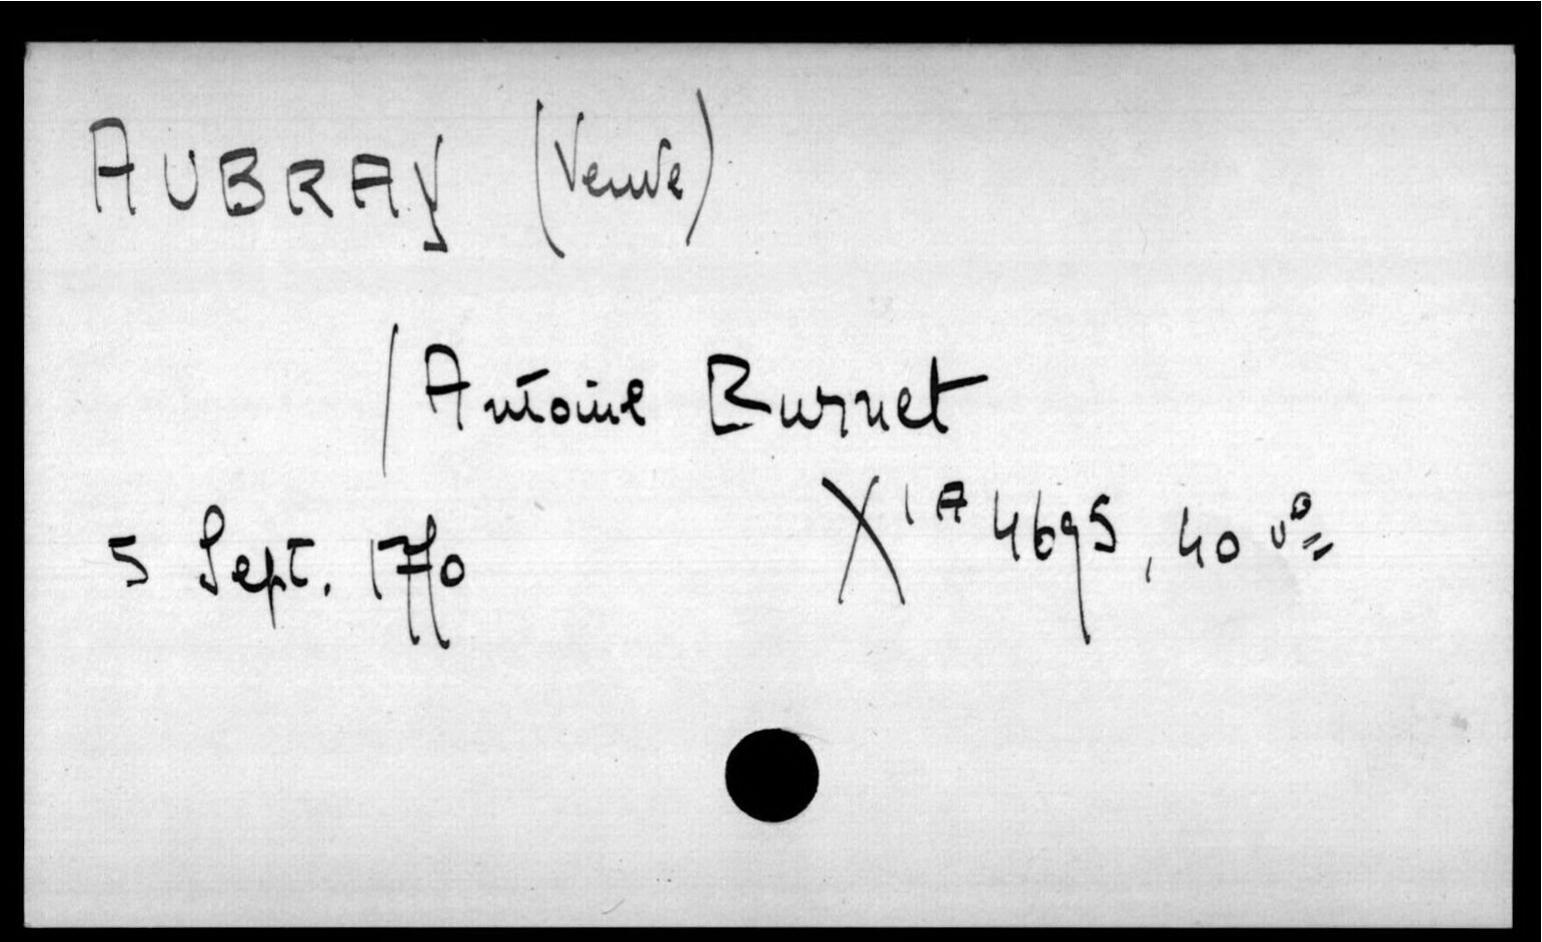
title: AUBRAY (Veuve)
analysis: Contre Antoine Burnet
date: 5 septembre 1770
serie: X1A
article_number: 4695
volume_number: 40v
